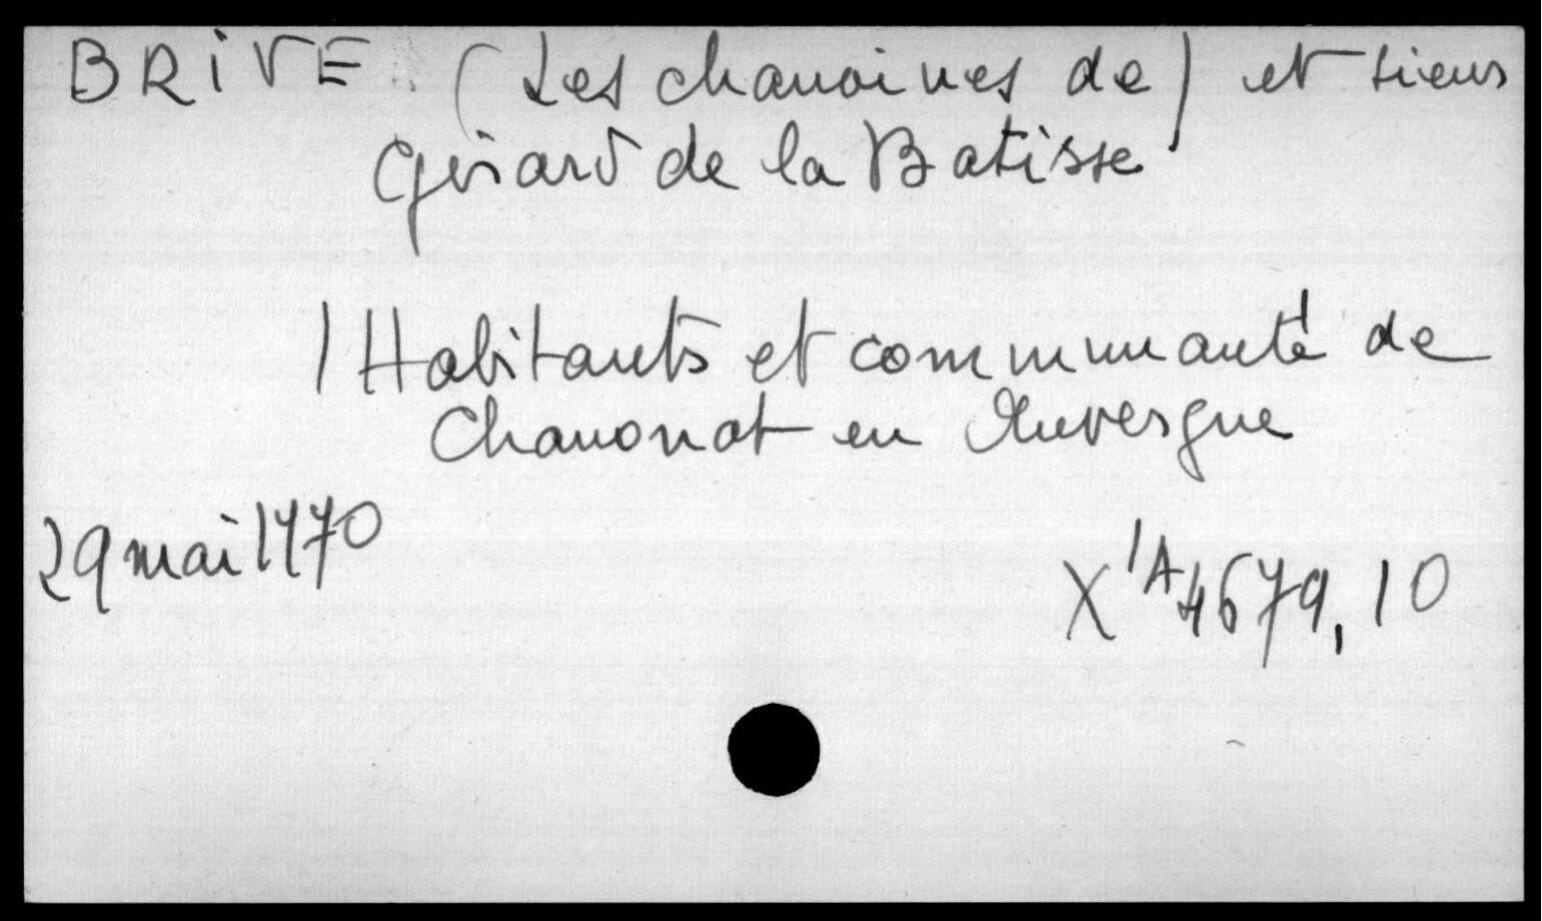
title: BRIVE (Les chanoines de) et sieur Girard de la Batisse
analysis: Contre Habitants et communauté de Chanonat en Auvergne
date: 29 mai 1770
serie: X1A
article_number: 4679
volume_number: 10
